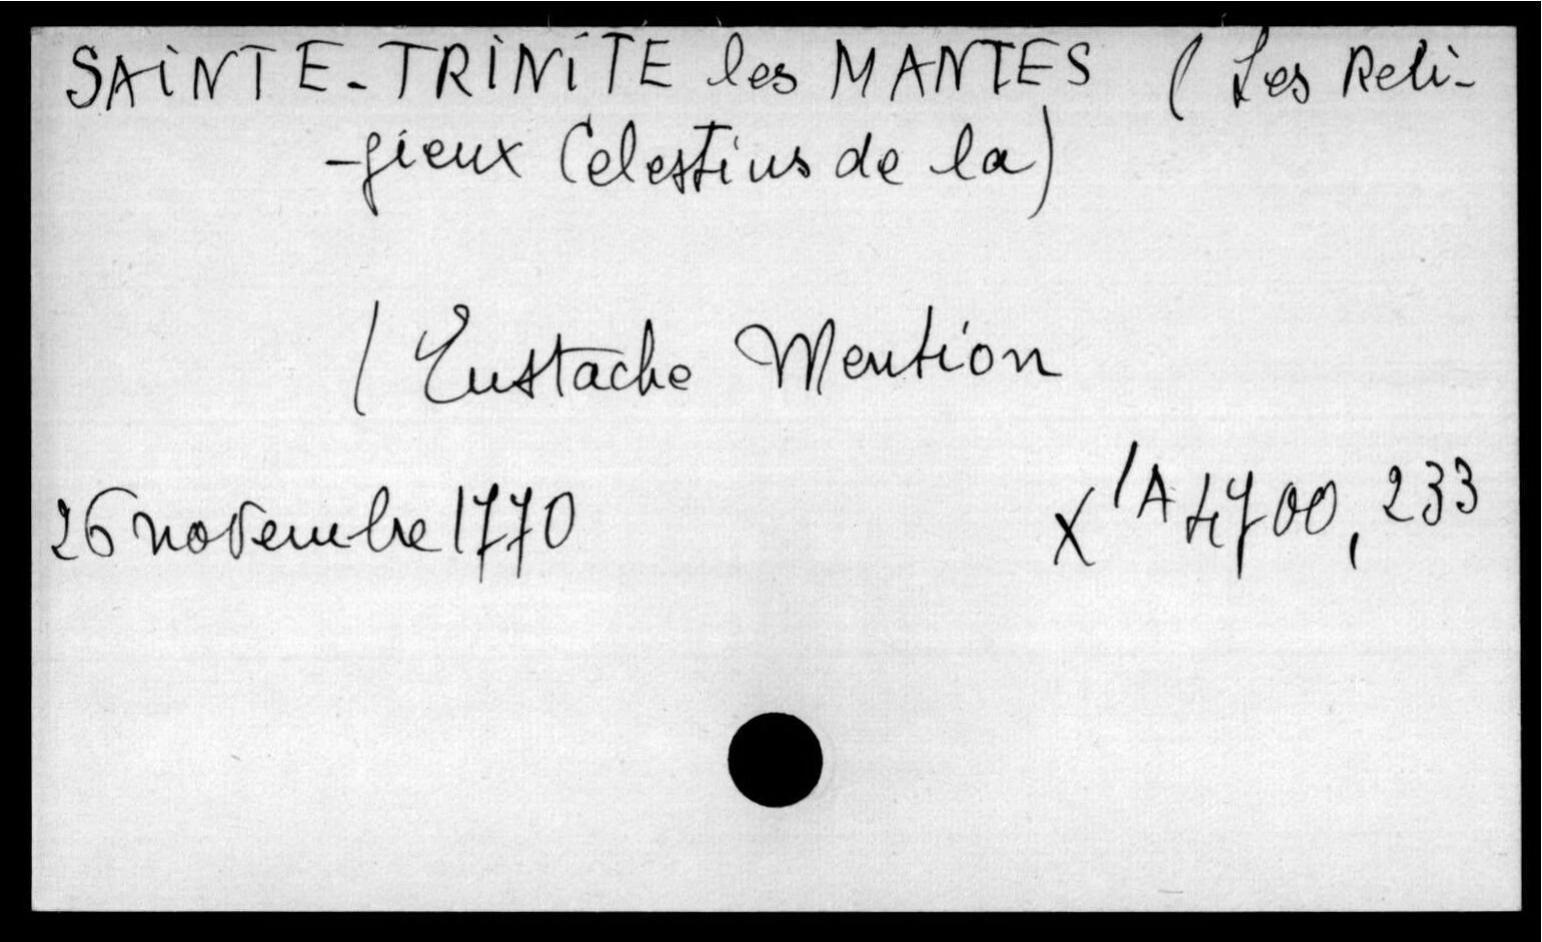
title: SAINTE-TRINITE Les MANTES (les religieux Célestins de la)
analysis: Contre Eustache Mention
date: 26 novembre 1770
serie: X1A
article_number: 4700
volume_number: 233
